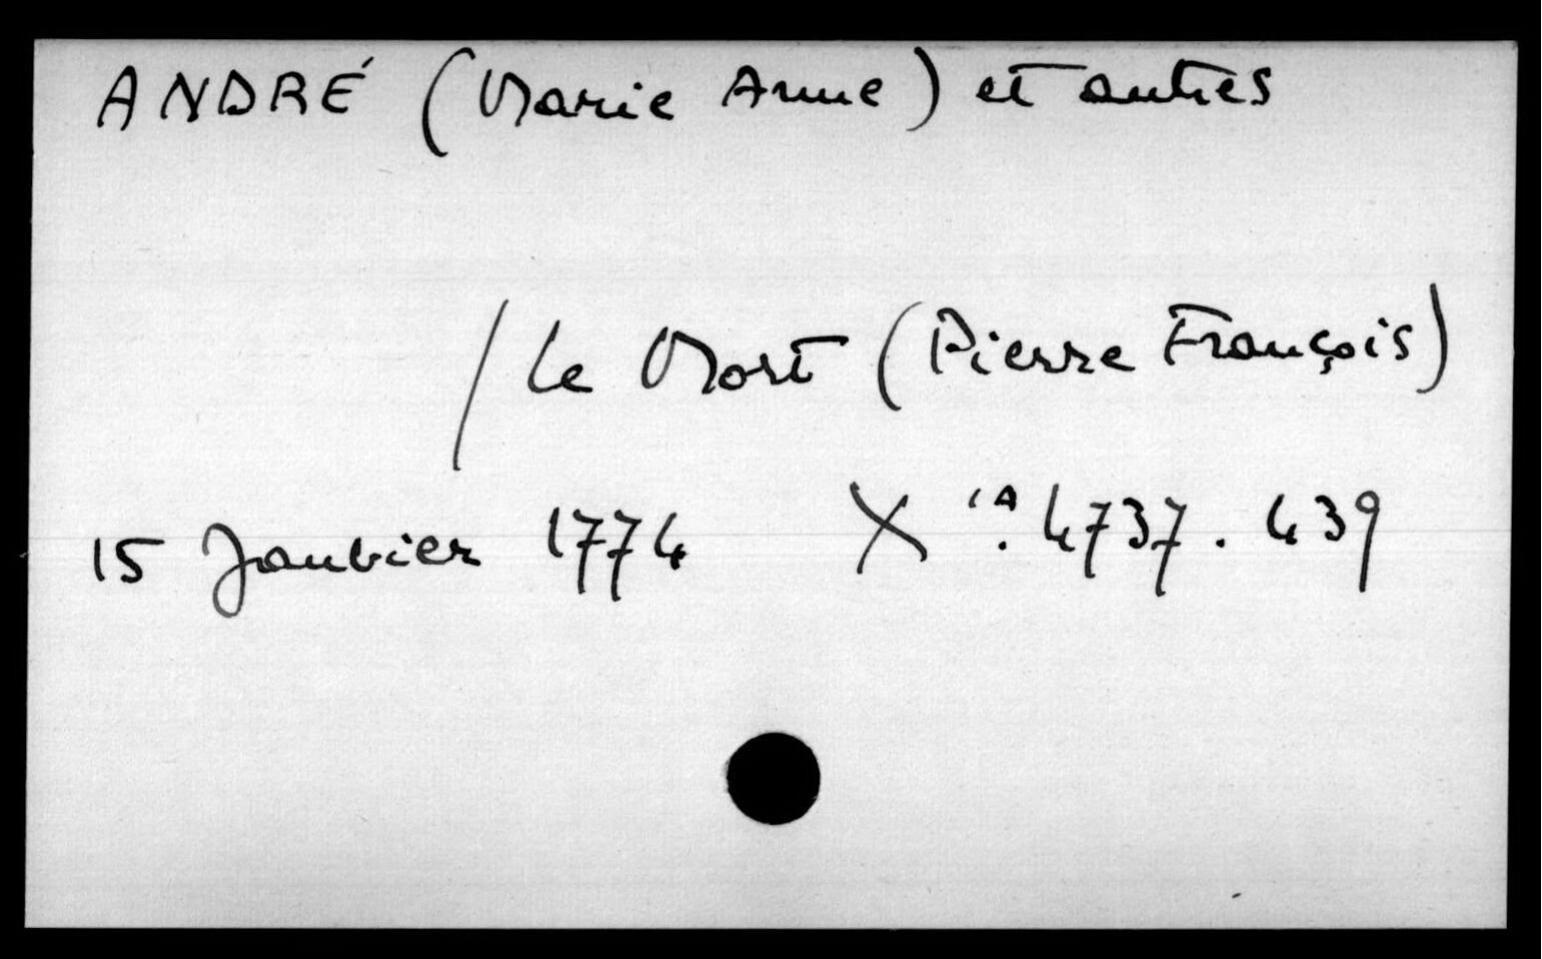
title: ANDRÉ (Marie Anne) et autres
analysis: Contre Le Mort (Pierre François)
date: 15 janvier 1774
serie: X1A
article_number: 4737
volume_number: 439
